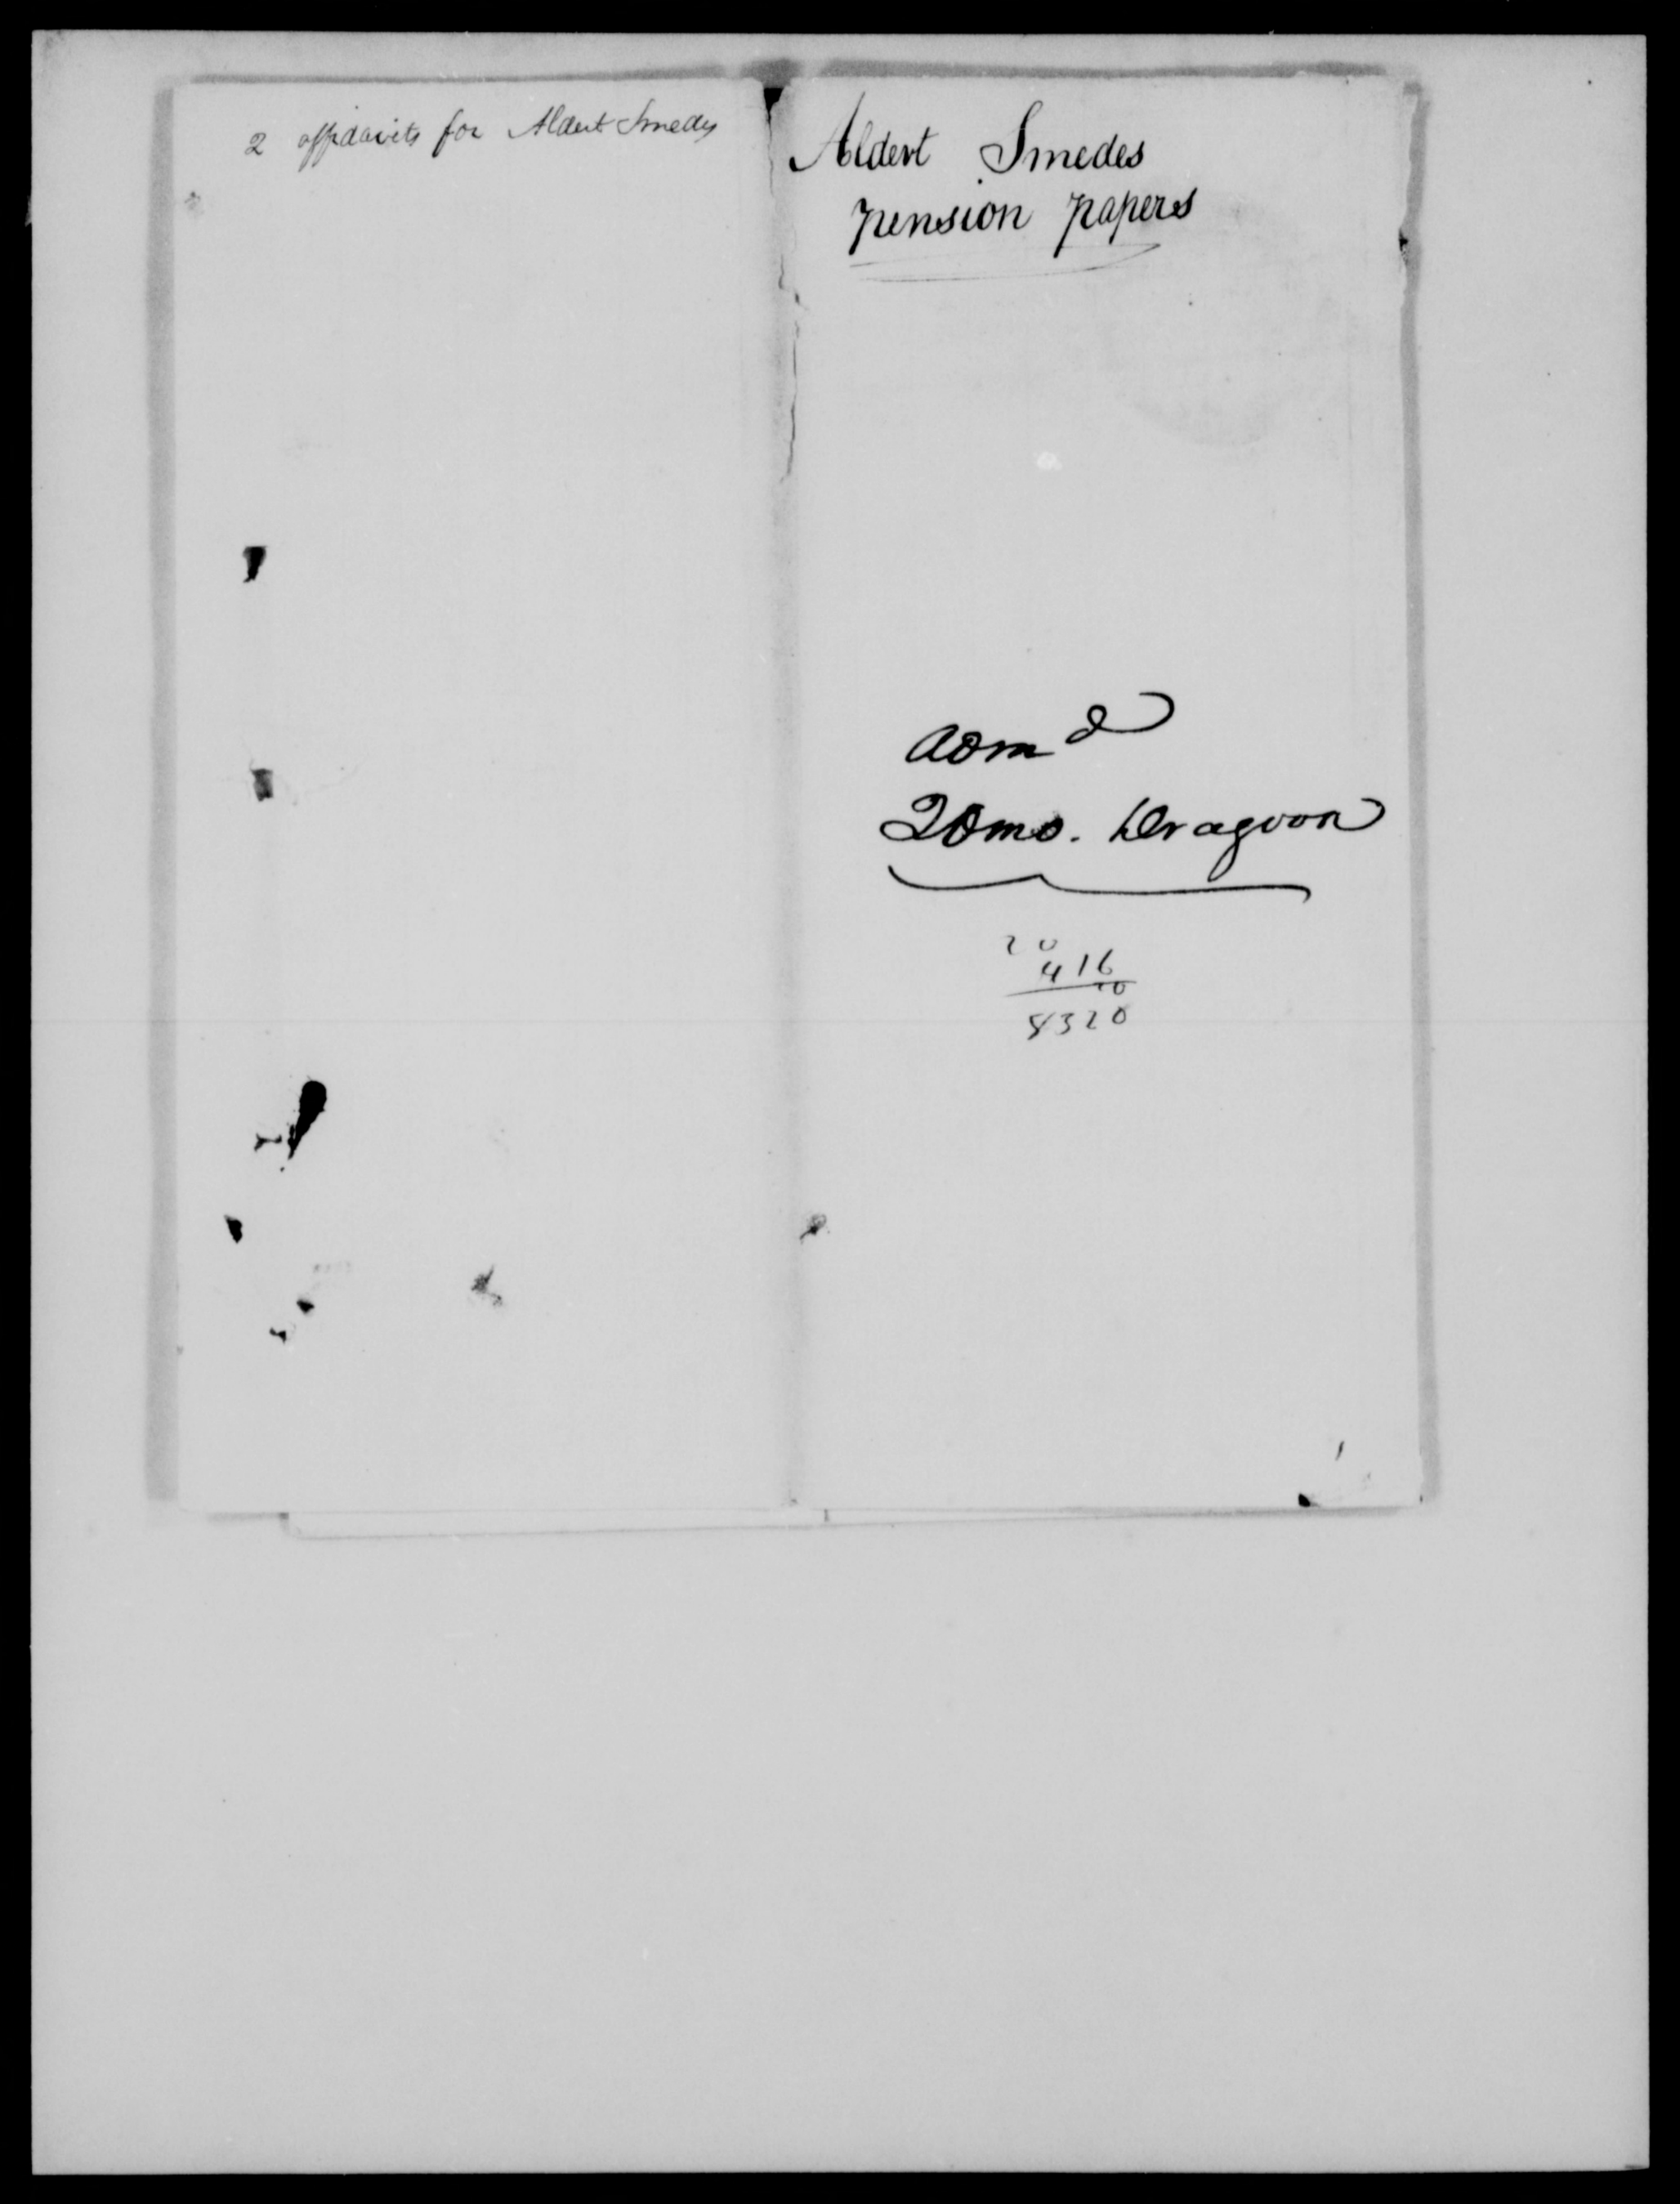2 affidavits for Aldert Smedes

Aldert Smedes
pension papers

Admd [admitted]
20 mo. Dragoon

20
  416
8320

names: Aldert Smedes; Aldert Smedes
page: 3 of 29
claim: survivor's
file: S. 11415, for Aldert Smedes, New York